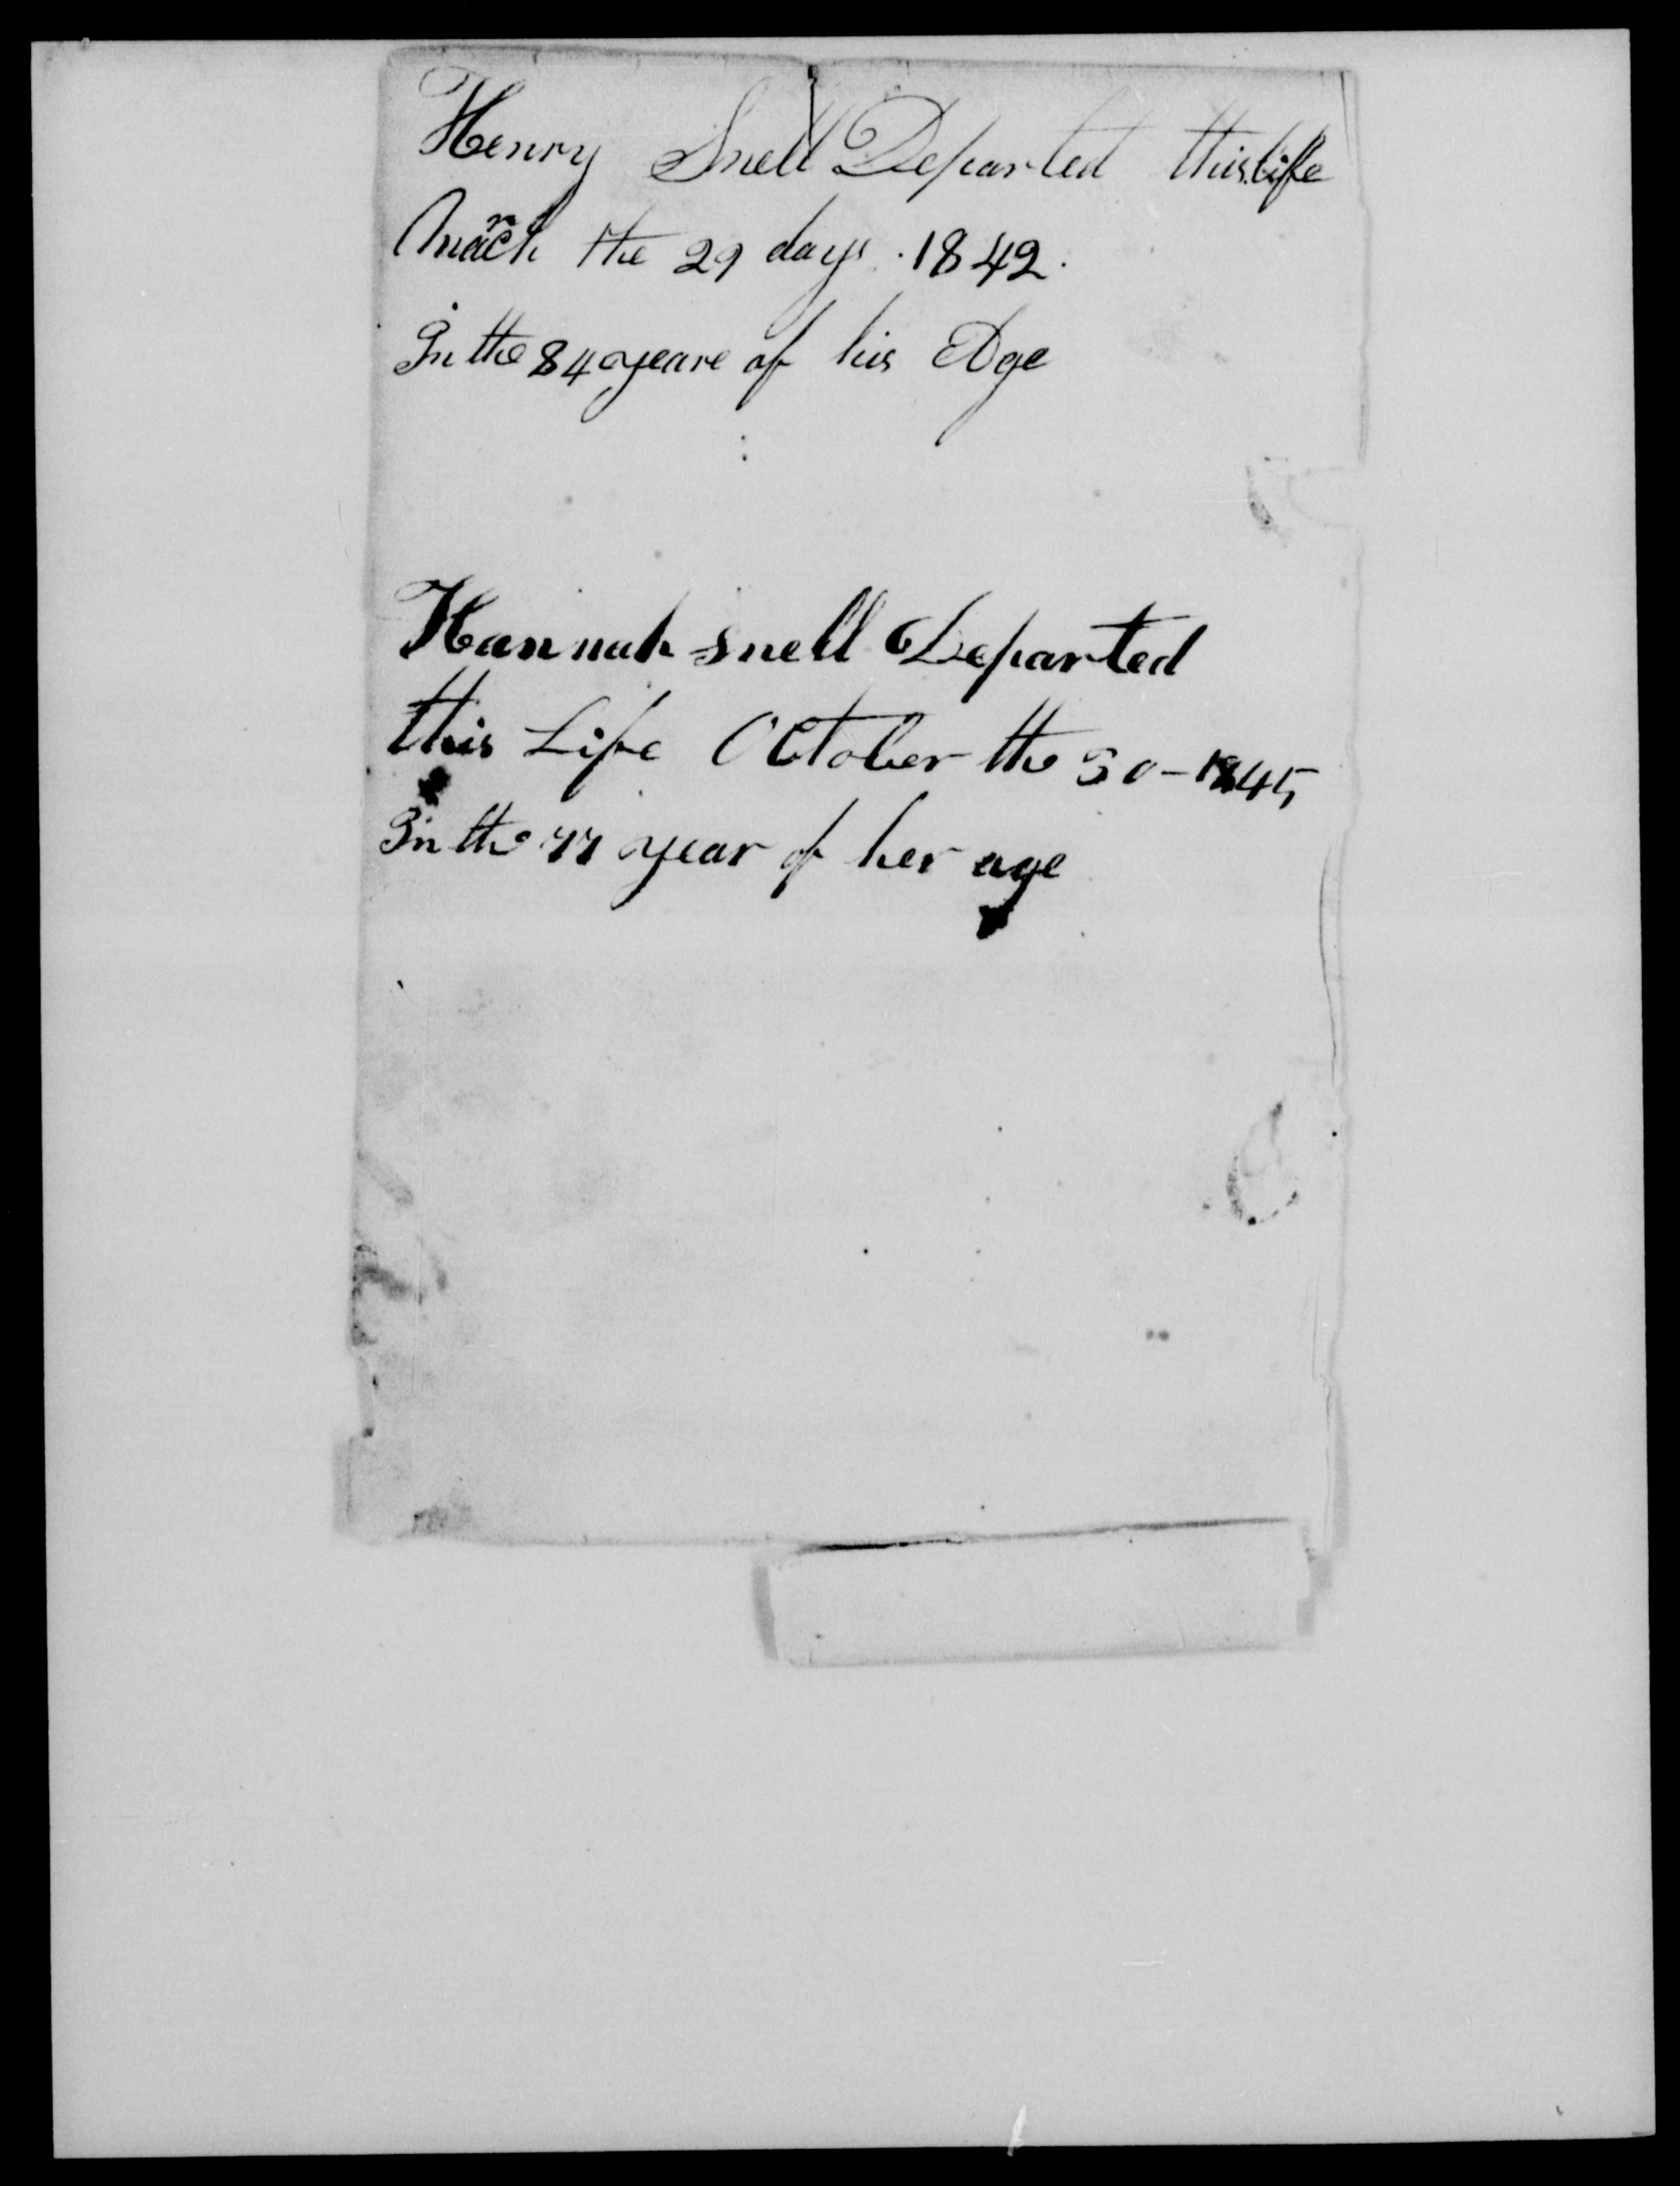Henry Snell Departed this life March the 29th day 1842 in the 84 yeare of his Age

Hannah Snell Departed this Life October the 30, 1845 in the 77 year of her age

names: Henry Snell; Hannah Snell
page: 18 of 27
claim: rejected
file: R. 9,892, for Henry Snell, New Jersey